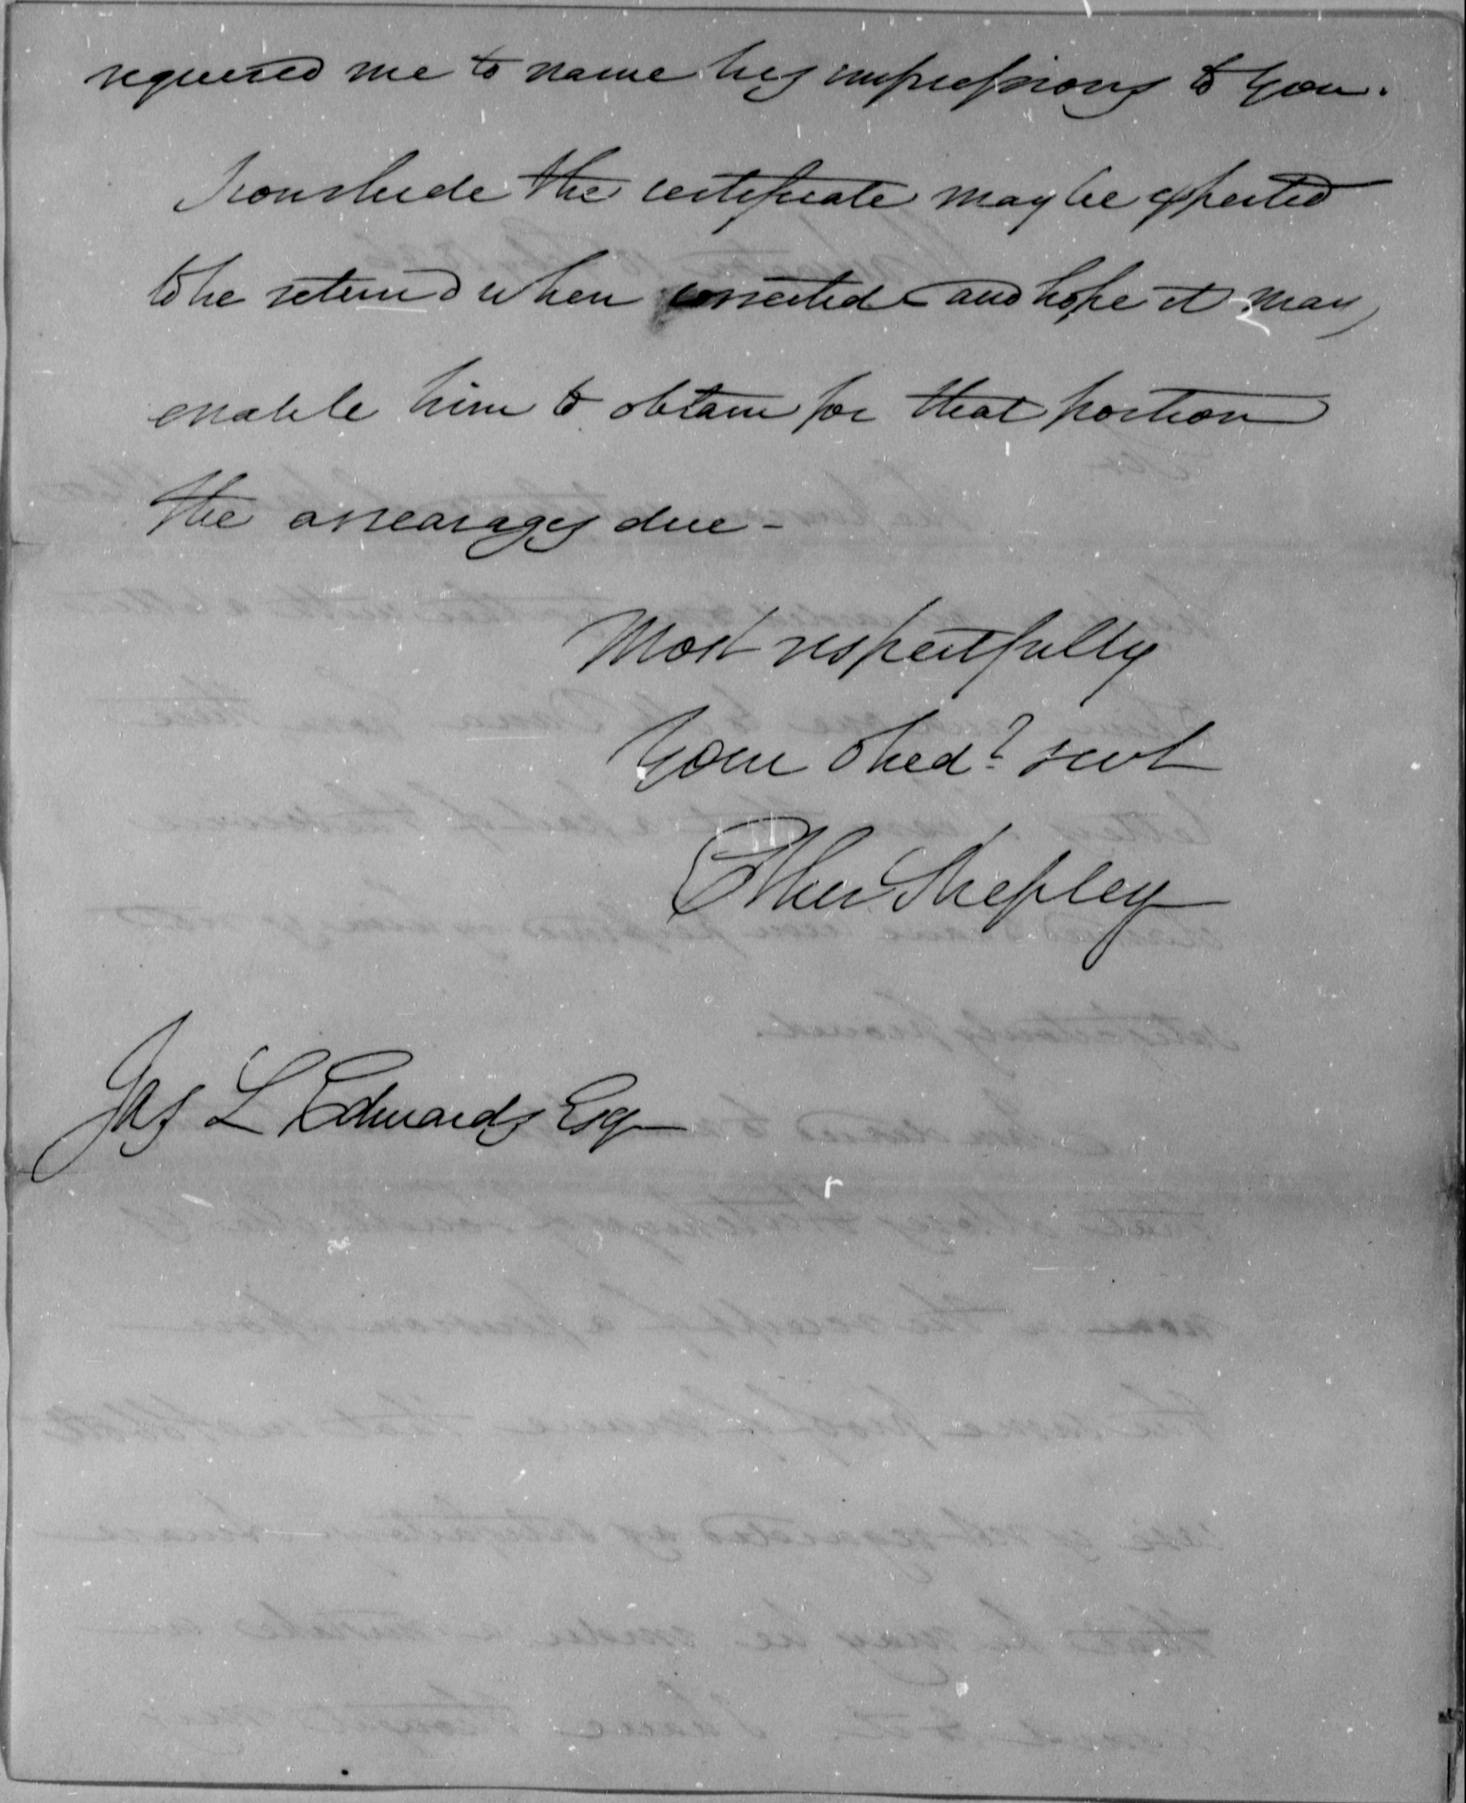...
required me to name his [illegible] to you.
I conclude the certificate may be upheld to the returned when corrected and hope it may enable him to obtain for that portion the arrearages due.

Most respectfully
You obe'd sev't
[SIGNED: Esther Shepley]


[SIGNED: Jas. L. Edwards, Esq.]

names: Jas L Edwards, Ether Shepley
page: 45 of 86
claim: survivor's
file: S 29,568, Isaac Abbot, Mass